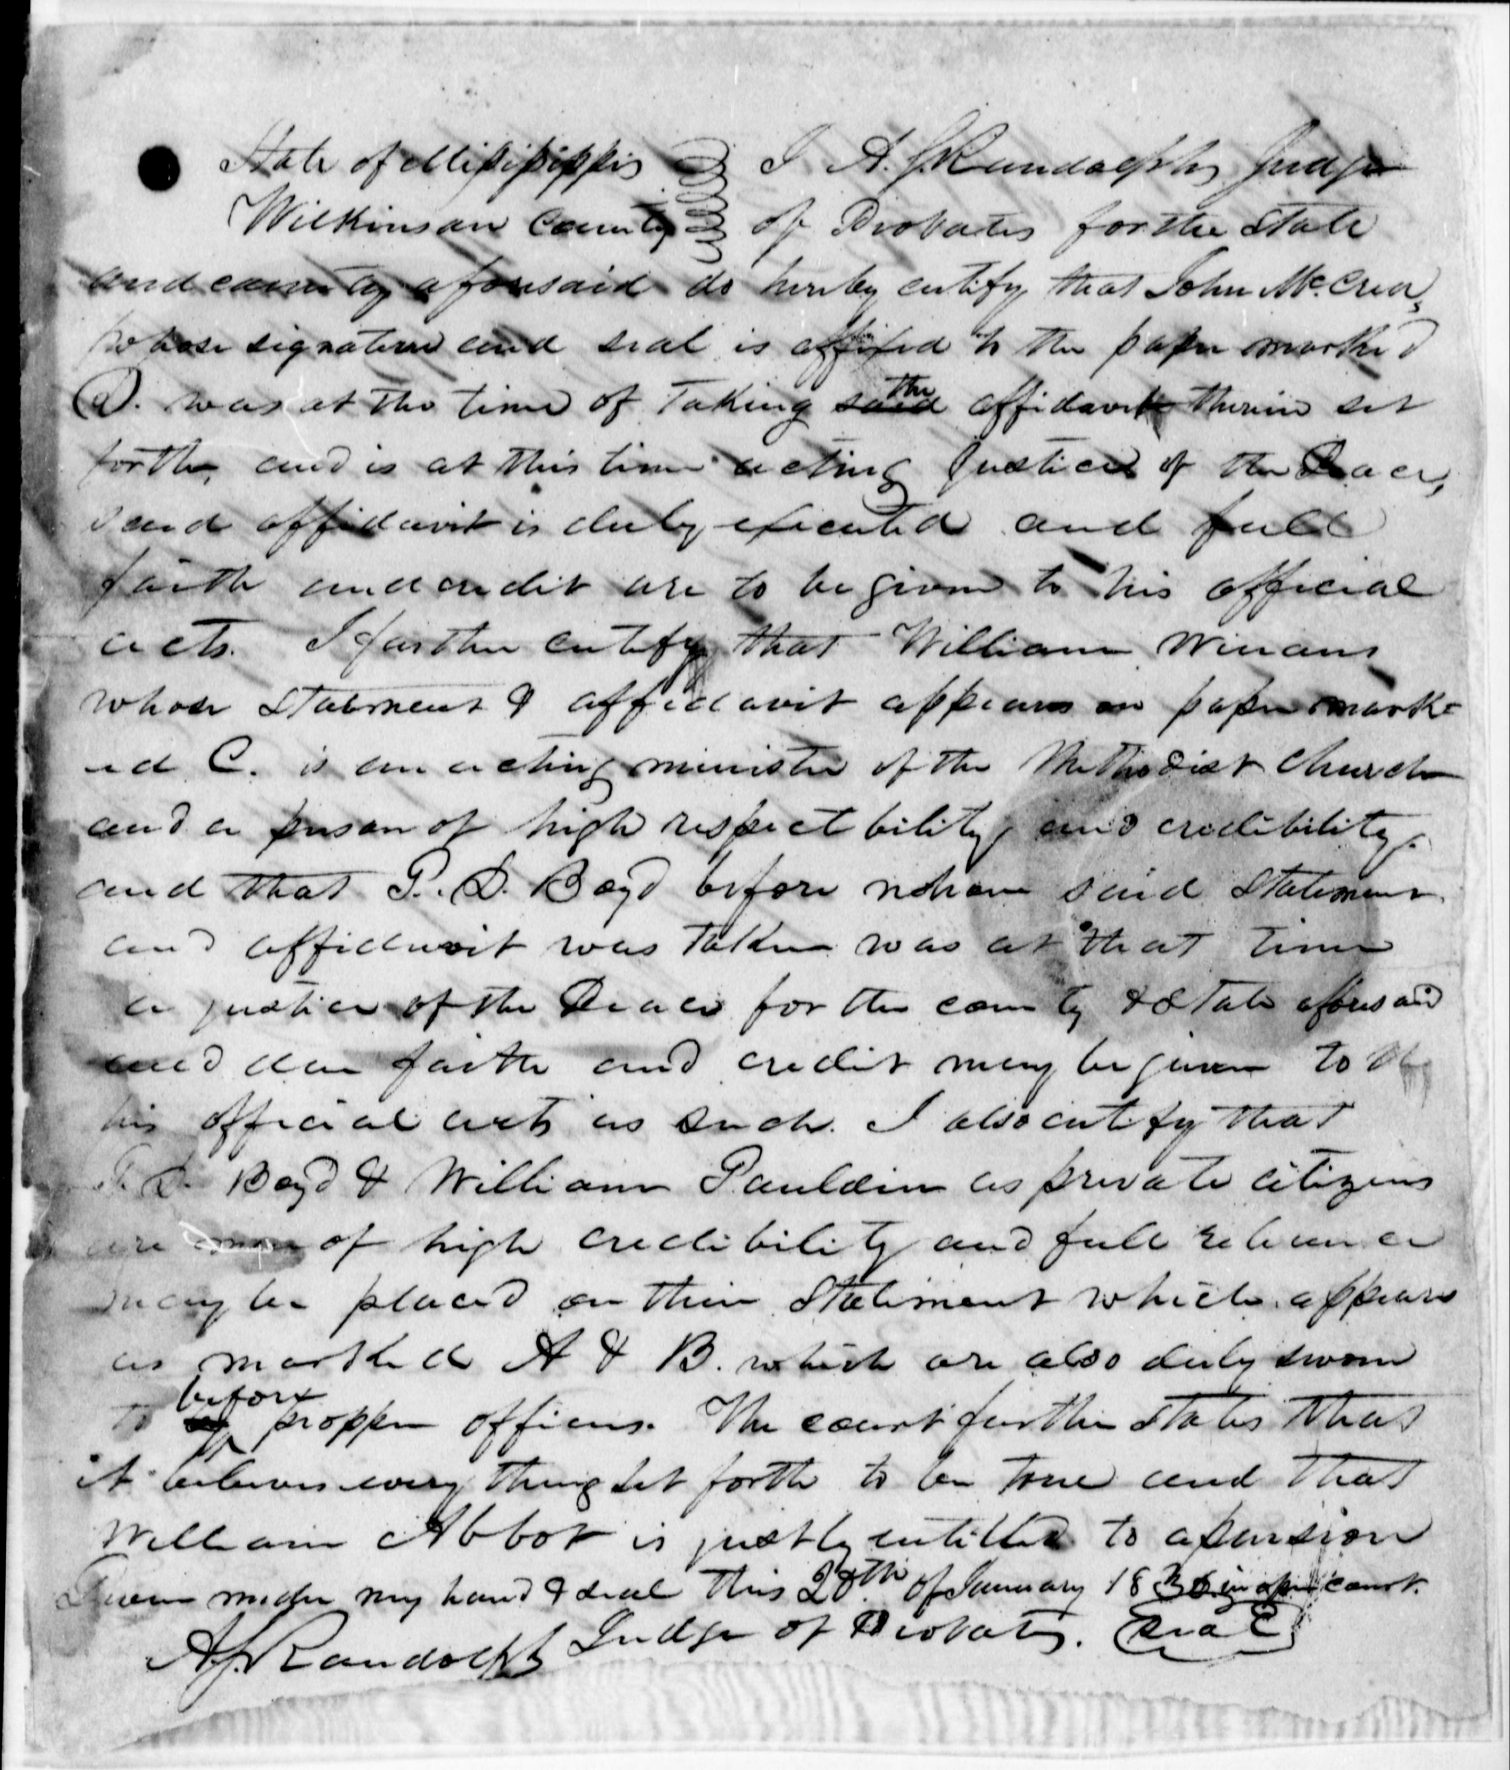State of Mississippi
Wilkinson County
I A. J. Randolph Judge of Probates for the State and county aforesaid do hereby certify that John McCrea, whose signature and seal is affixed to the paper marked D. was at the time of taking the affidavit therein set forth, and is at this time acting Justice of the Peace, said affidavit is duly executed and full faith and credit are to be given to his official acts. I further certify that William Winans whose statement & affidavit appears on paper marked C. is an acting minister of the Methodist Church and a person of high respectability and credibility and that G. D. Boyd before noted said Statement and affidavit was taken was at that time a Justice of the Peace for the County & State aforesaid and due faith and credit may be given to his official acts as such. I also certify that G. D. Boyd & William Gauldin as private citizens are men of high credibility and full reliance may be placed on their statement which appears as marked A & B. which are also duly sworn to before propper officers. The court further states that it believes every thing set forth to be true and that William Abbot is justly entitled to a pension
Given under my hand & seal this 28th of January 1836 in open court.
A.J. Randolph Court of Probates.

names: John Mc Crea, G D Boyd, William Gauldin, William Abbot, William Winans, G D Boyd, A J Randolph, A J Randolph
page: 28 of 38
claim: survivor's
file: S. 30. 239, William Abbott, S.C.